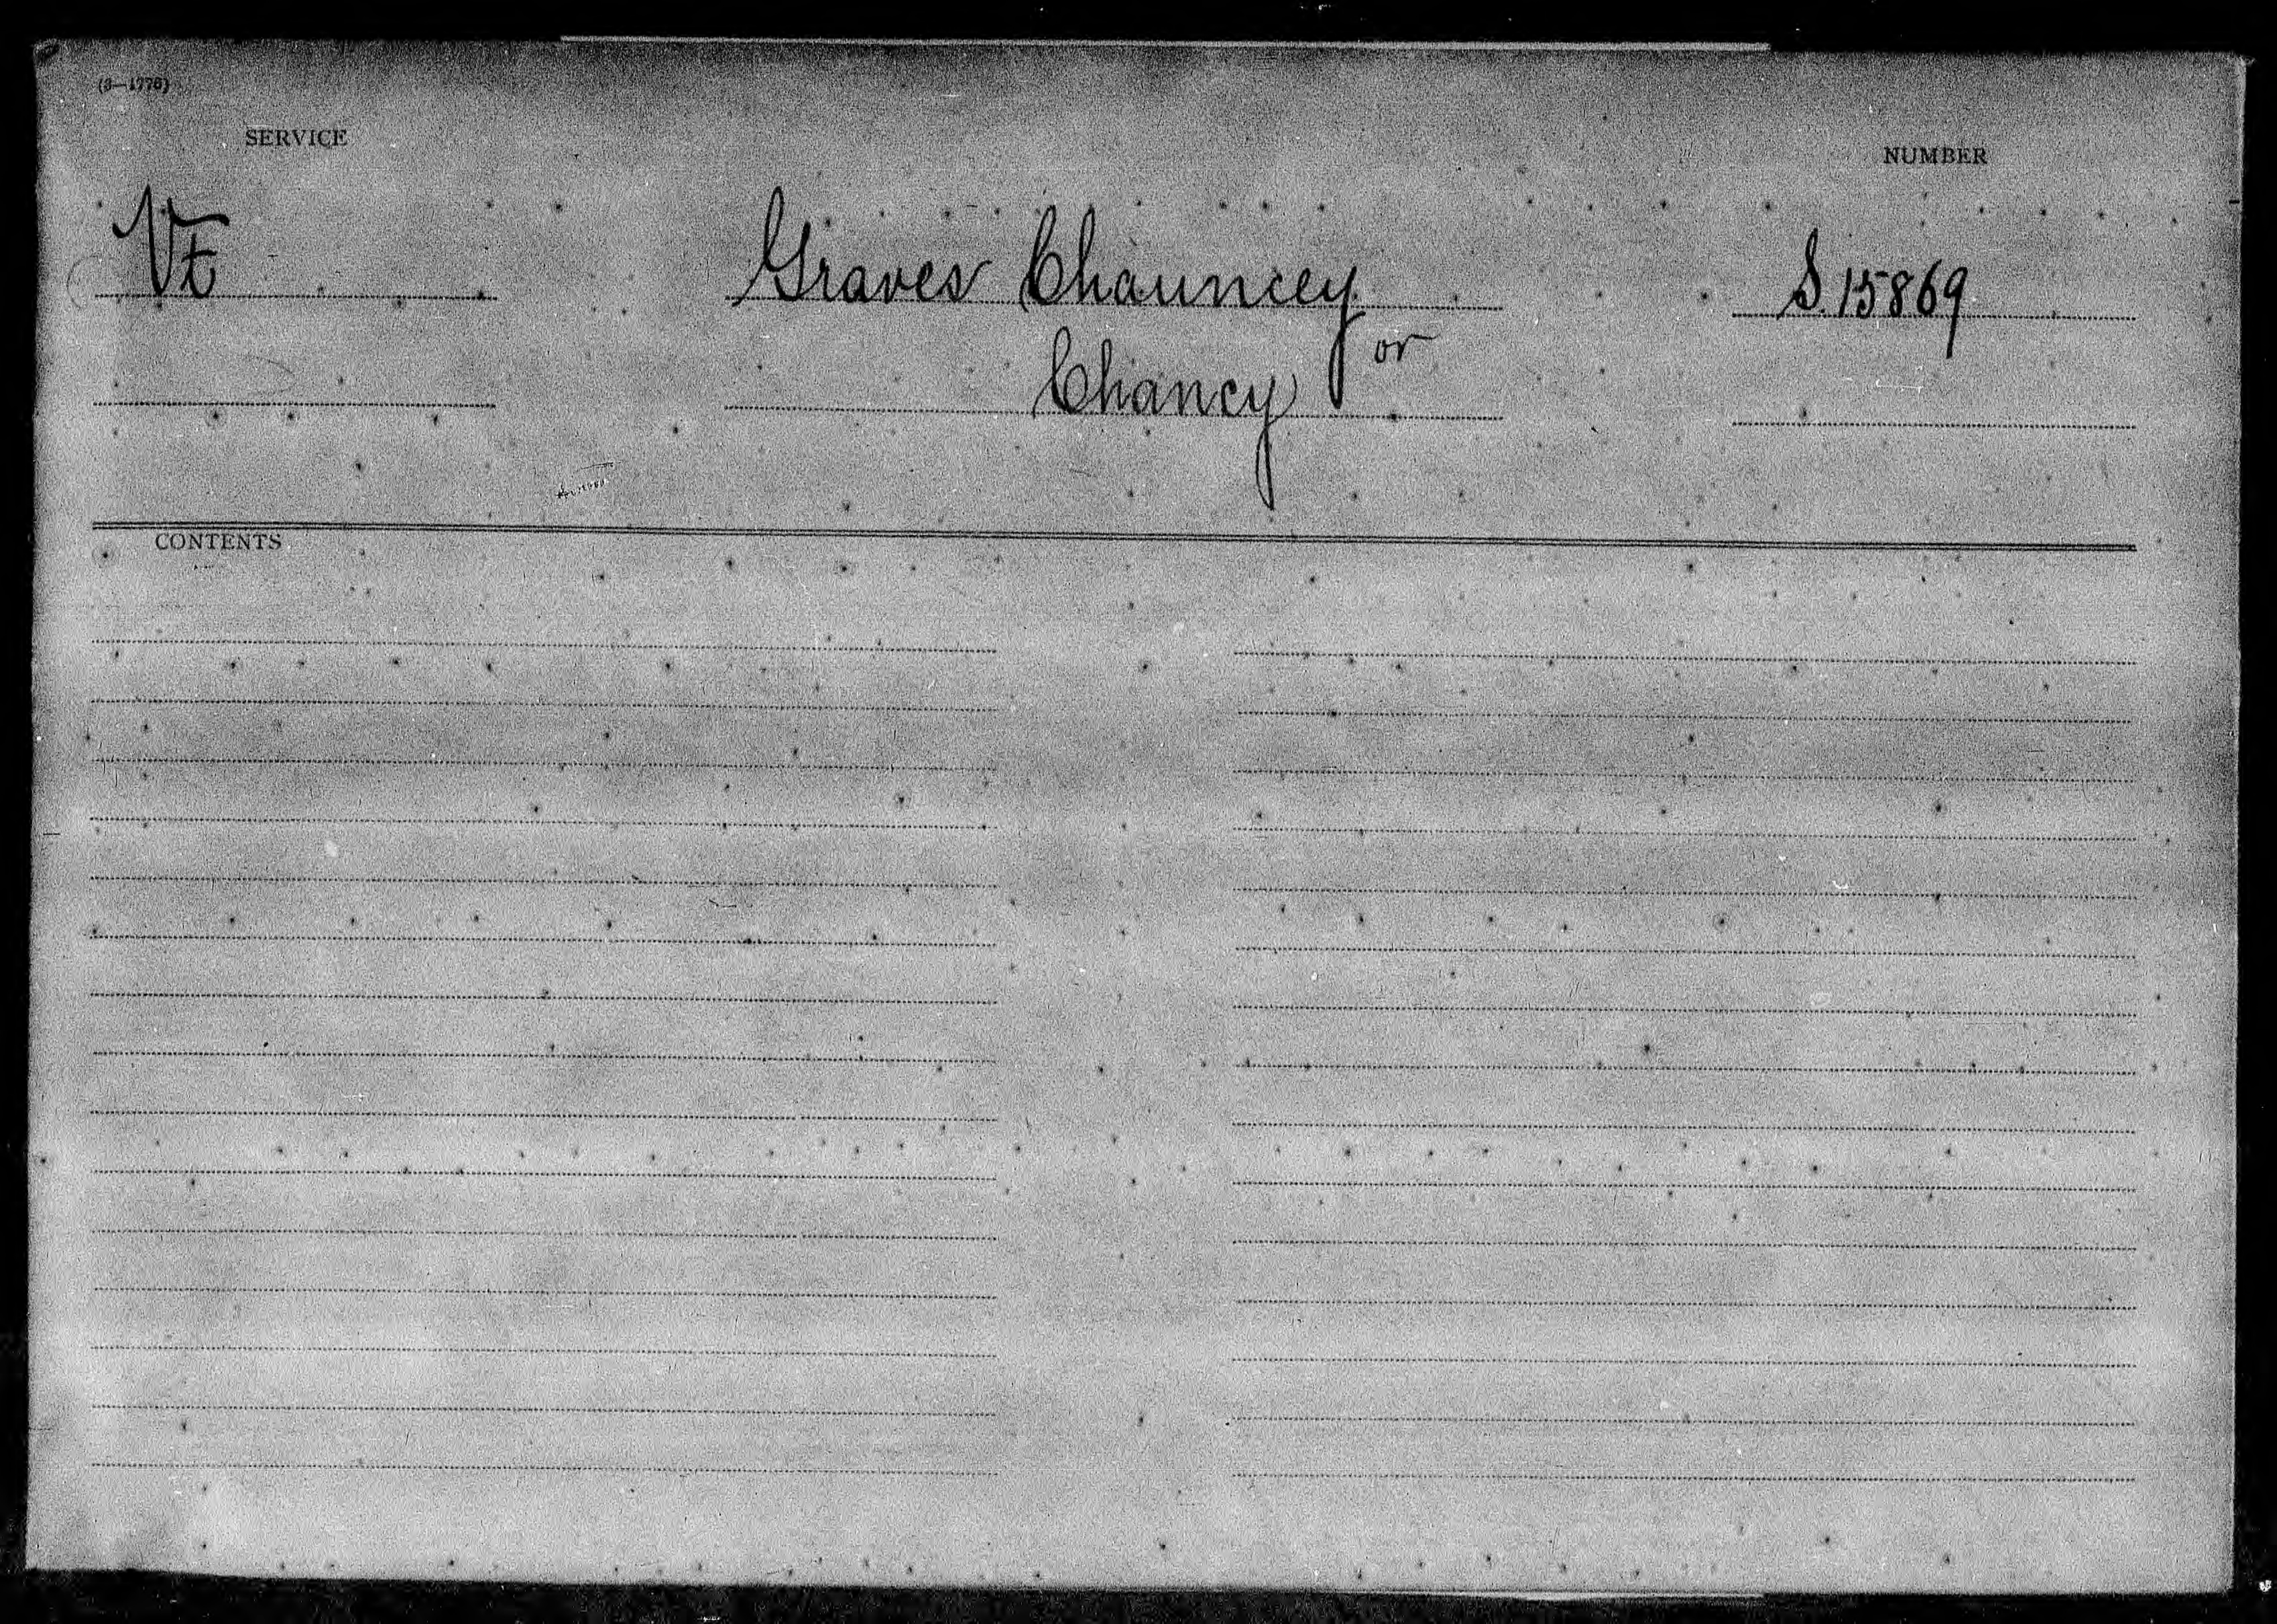3-1776
Service        

Graves Chauncey or
Chancy

Number
S15869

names: Chancy Graves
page: 1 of 24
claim: survivor's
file: S. 15869, Chauncey Graves, Vt.